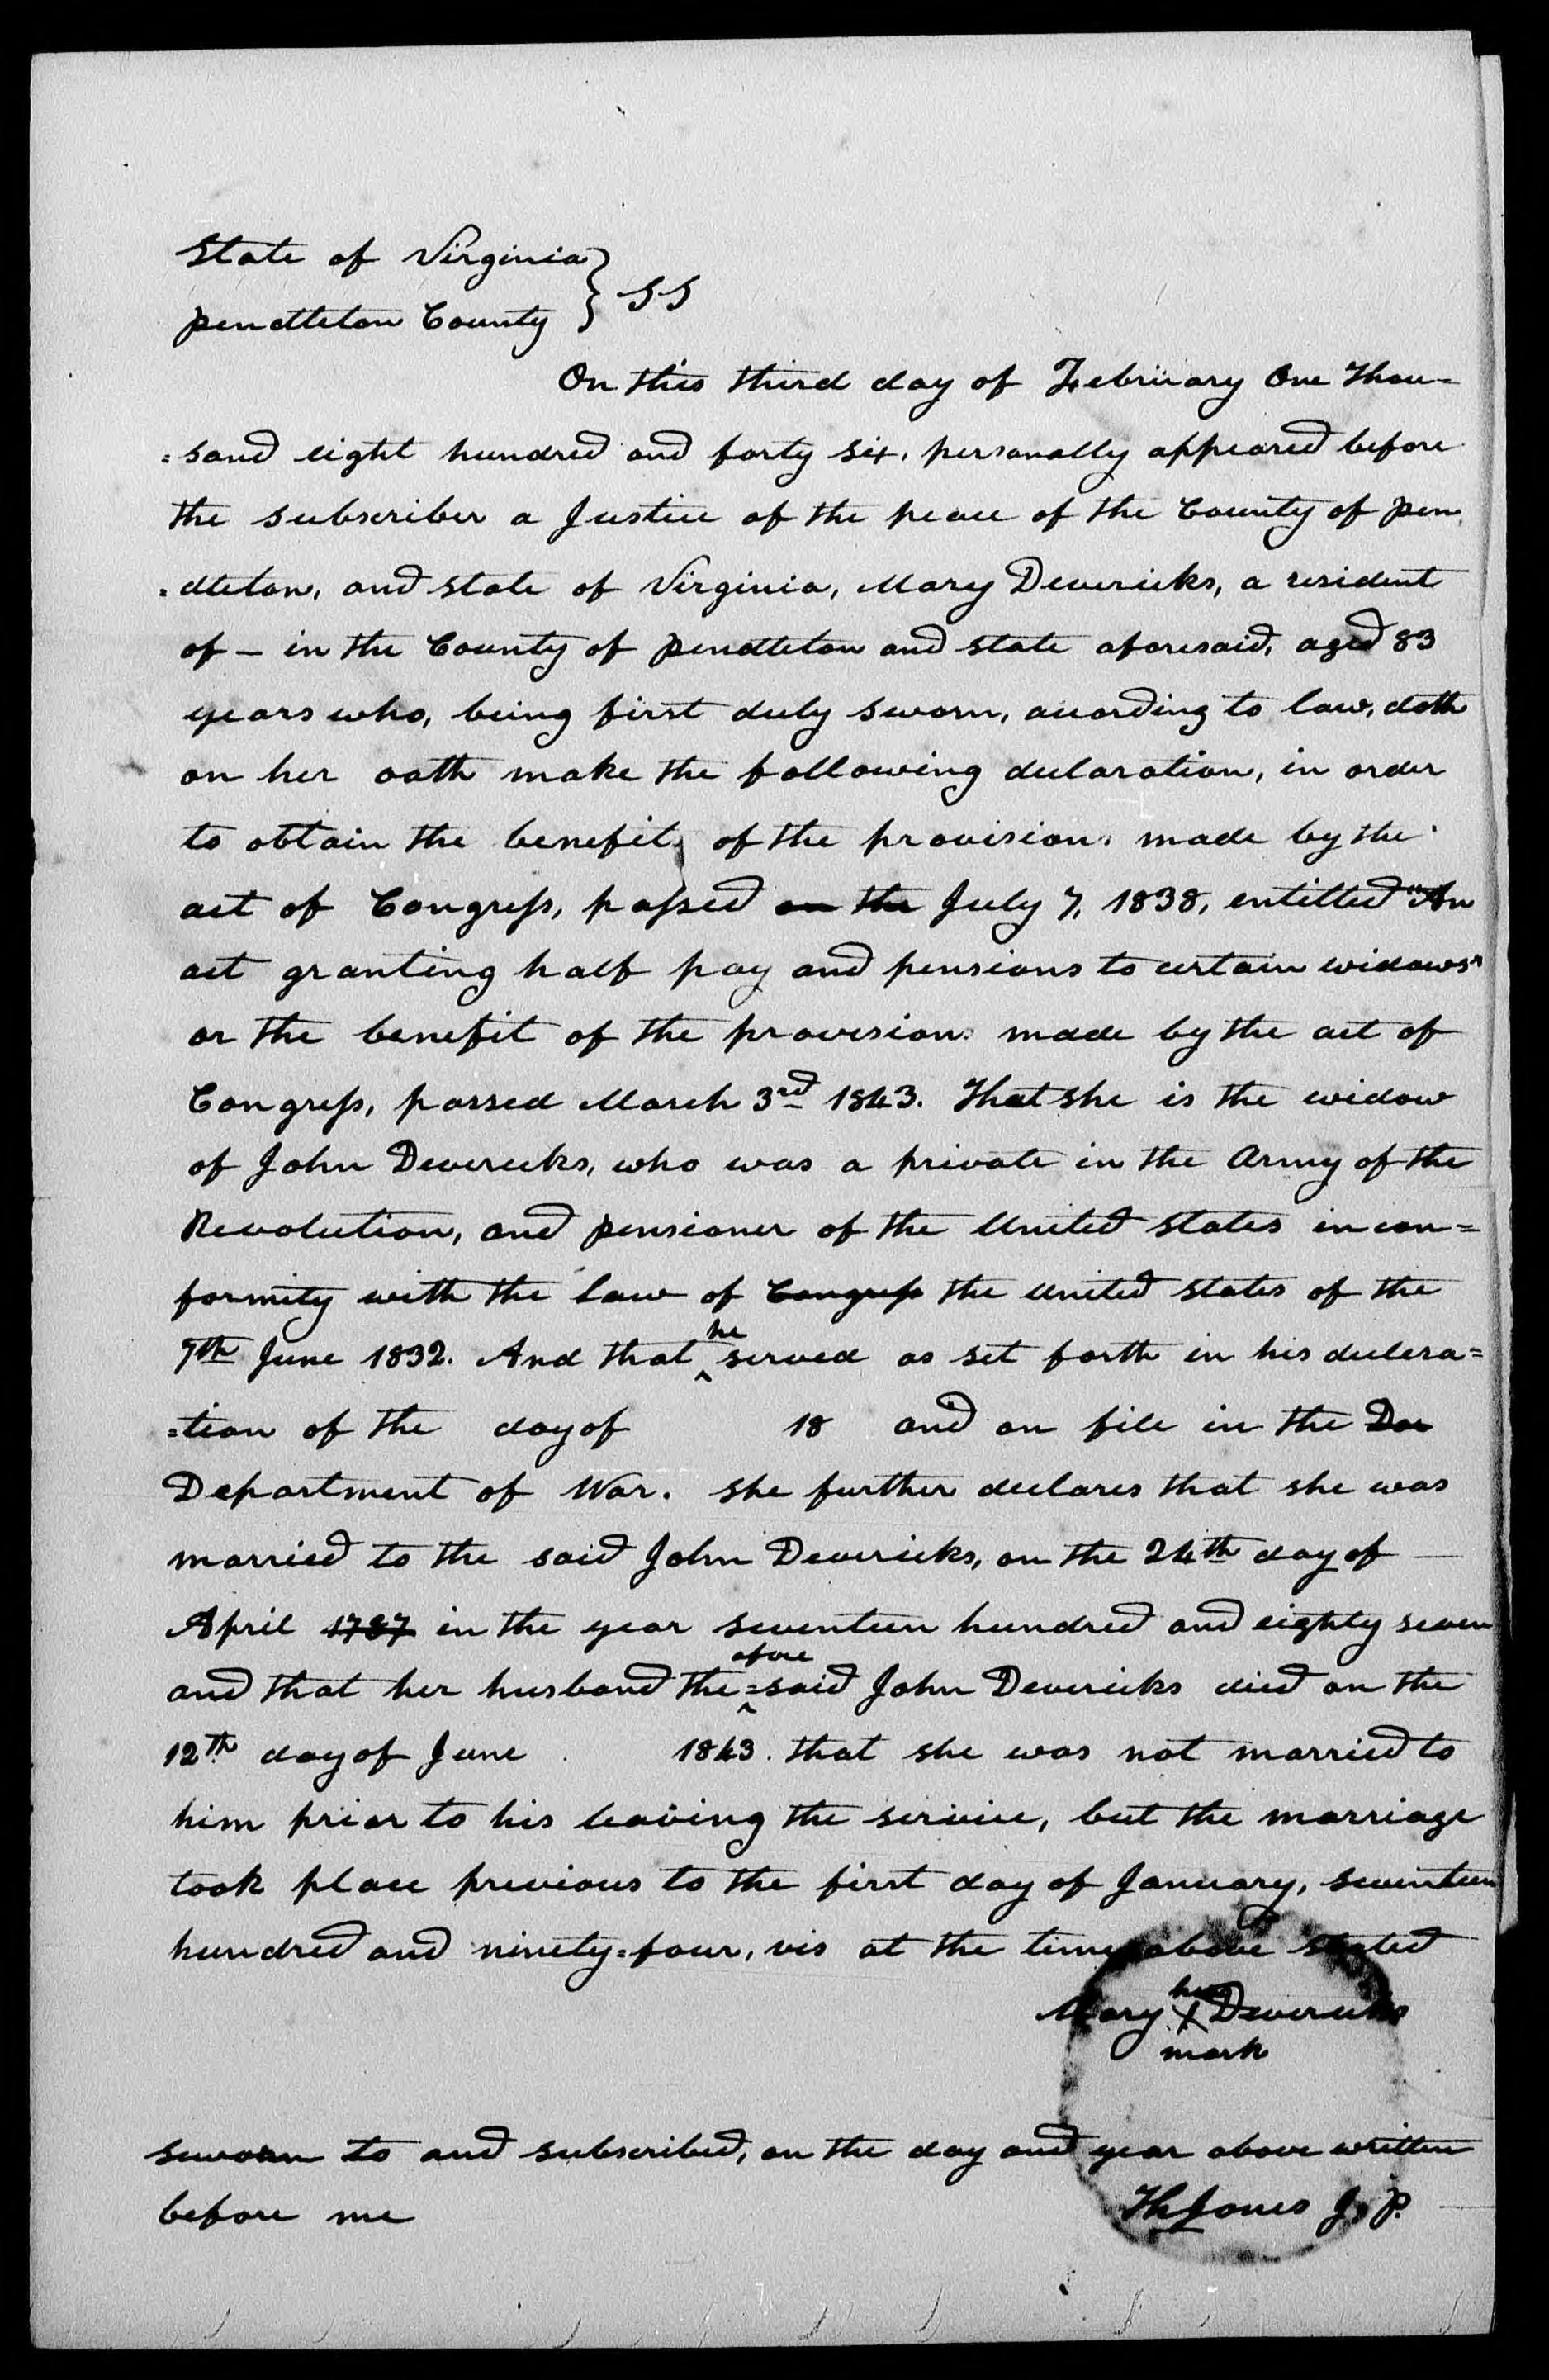State of Virginia Pendleton County } [illegible]
On this third day of February One Thousand eight hundred and forty six, personally appeared before the subscriber a Justice of the peace of the County of Pendleton, and state of Virginia, Mary Devericks, a resident of — in the County of Pendleton and state aforesaid, aged 83 years who, being first duly sworn, according to law, doth on her oath make the following declaration, in order to obtain the benefit of the provisions made by the act of Congress, passed [crossed out] the July 7, 1838, entitled "An act granting half pay and pensions to certain widows" or the benefit of the provisions made by the act of Congress, passed March 3rd 1843. That she is the widow of John Devericks, who was a private in the Army of the Revolution, and pensioner of the United States in conformity with the law of Congress the United States of the 7th June 1832. And that he served as set forth in his declaration of the day of [blank] 18 and on file in the Department of War. She further declares that she was married to the said John Devericks, on the 24th day of April [1787 crossed out] in the year seventeen hundred and eighty seven and that her husband the aforesaid John Devericks died on the 12th day of June 1843. That she was not married to him prior to his [illegible] the service, but the marriage took place previous to the first day of January, seventeen hundred and ninety=four, [illegible] at the time above stated
her
Mary X Devericks
mark

Sworn to and subscribed, on the day and year above written before me
Th Jones J. P.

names: Mary Devericks, Mary Devericks, John Devericks, Th Jones, John Devericks, John Devericks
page: 8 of 35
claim: widow's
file: W 7007, John Devericks, Va.